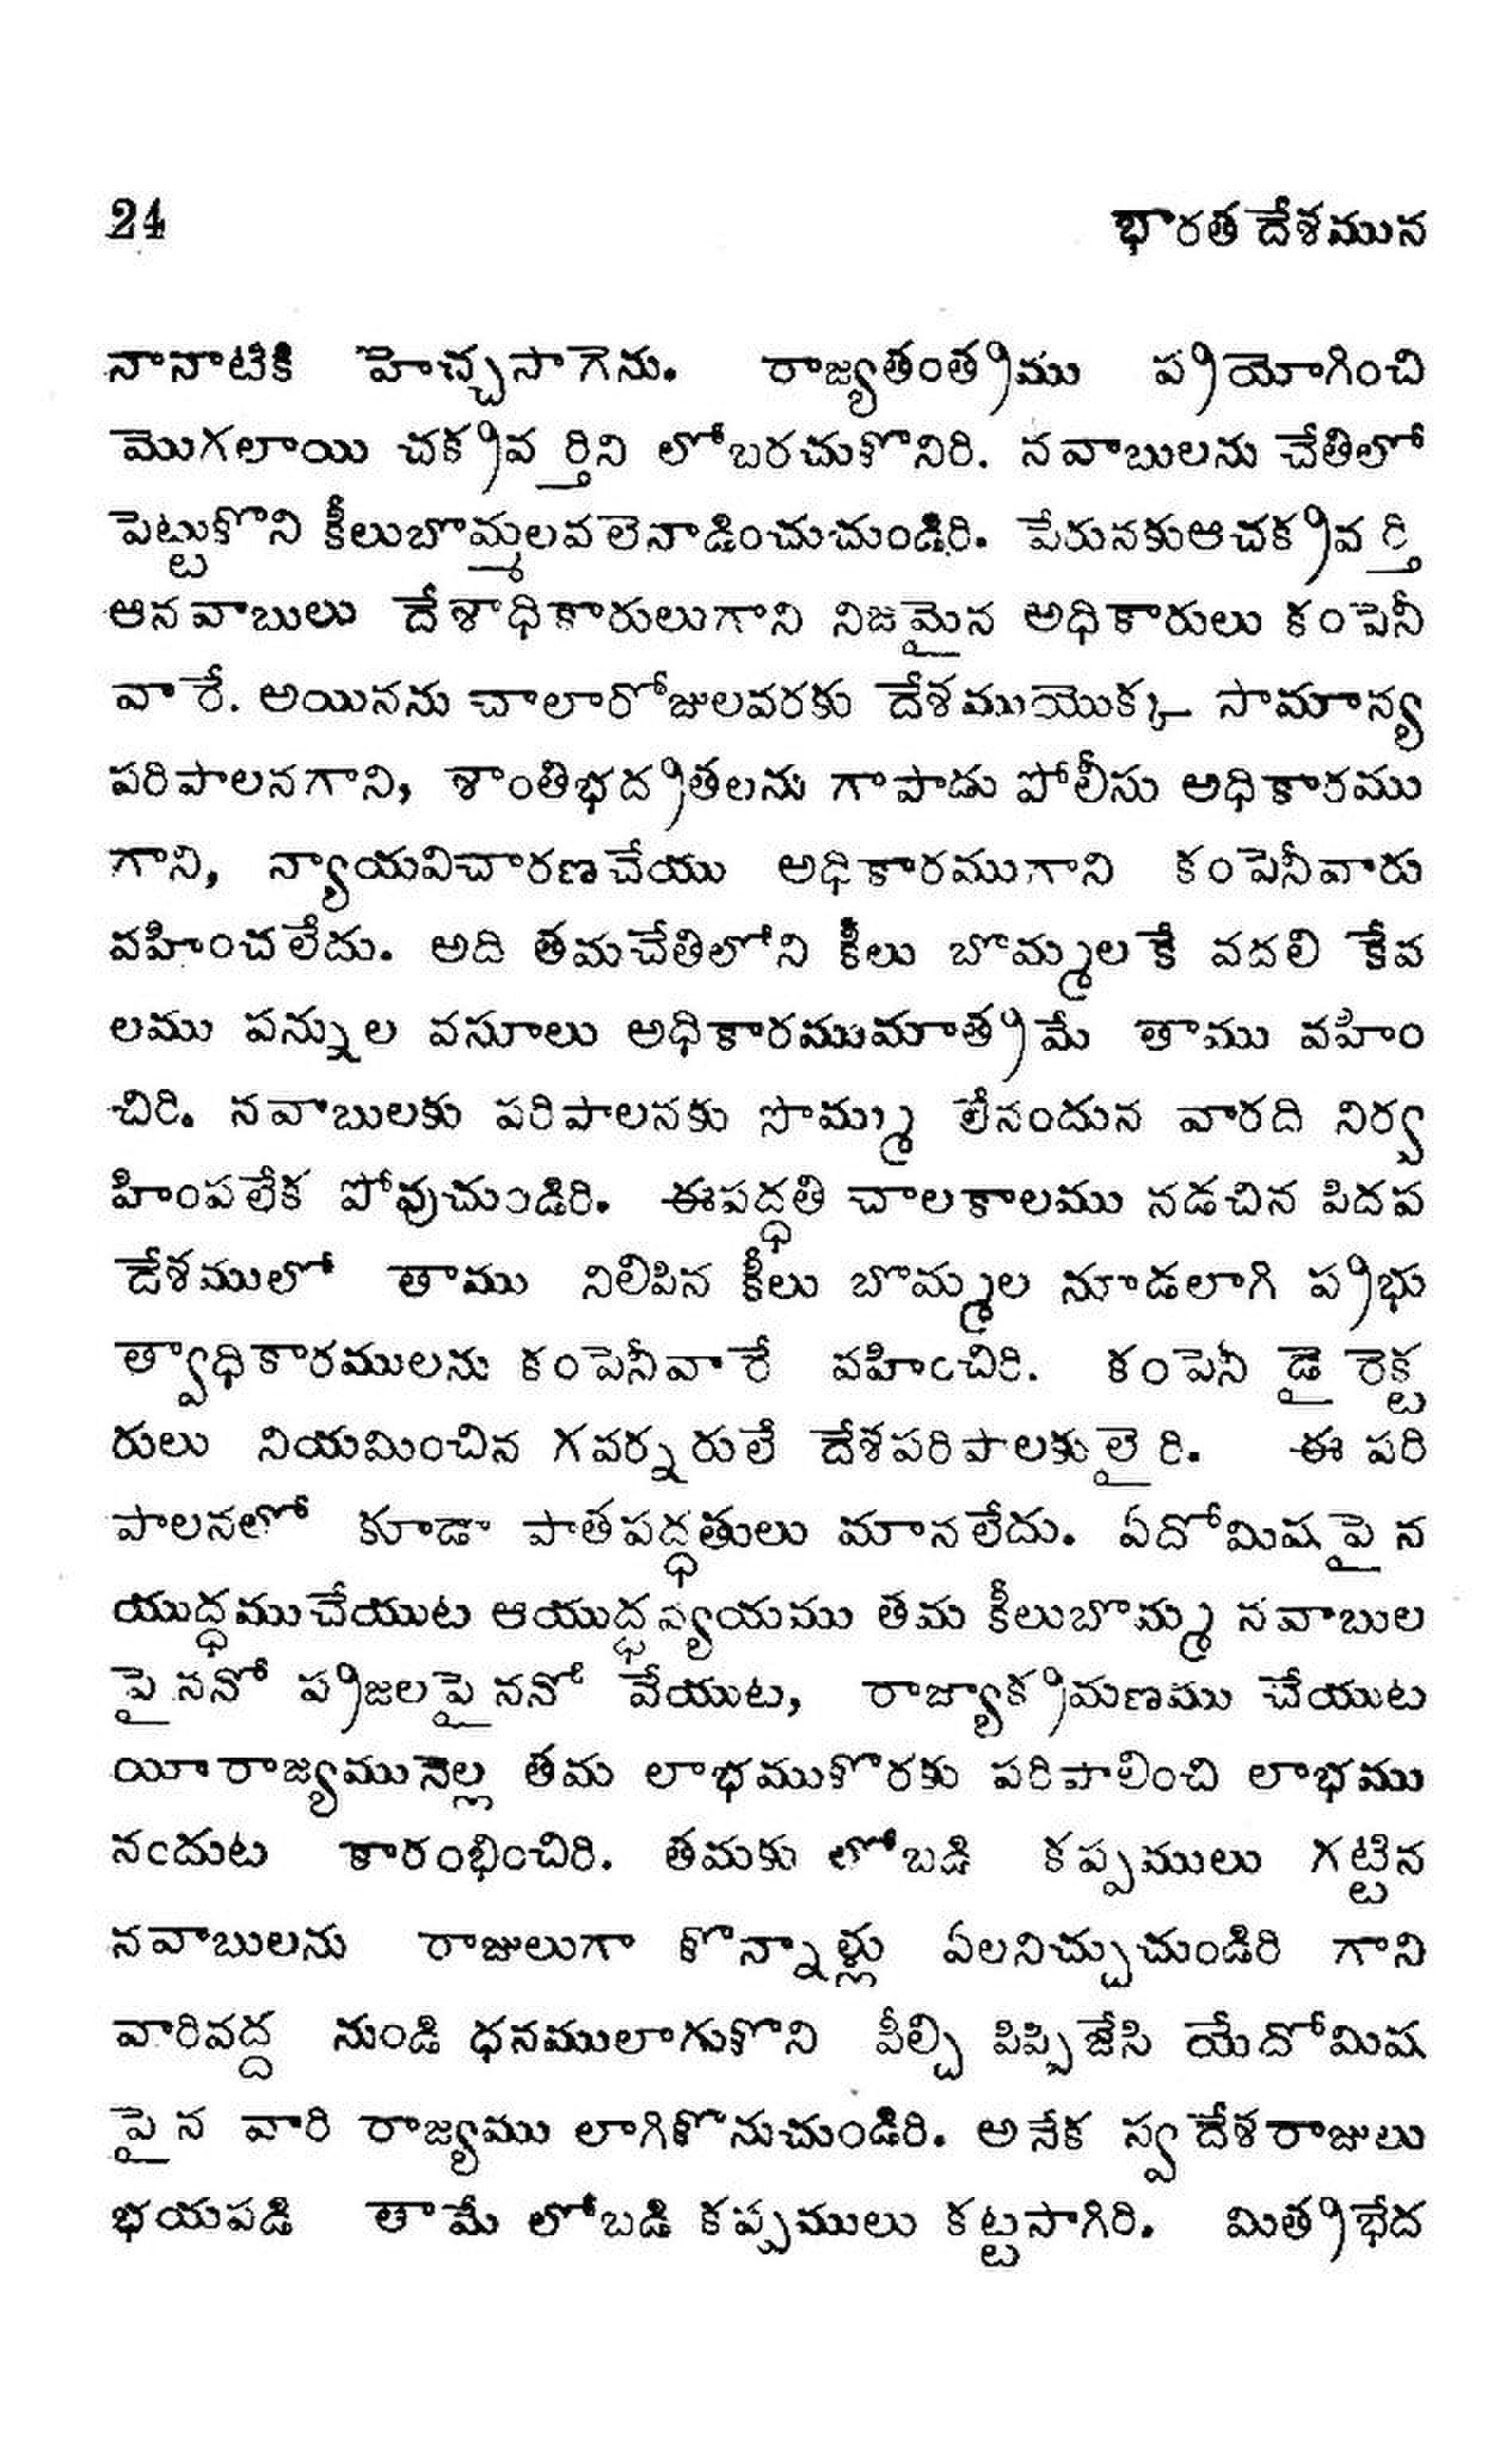నానాటికి హెచ్చసాగెను. రాజ్యతంత్రము ప్రయోగించి మొగలాయి చక్రవర్తిని లోబరచుకొనిరి. నవాబులను చేతిలో పెట్టుకొని కీలుబొమ్మలవలెనాడించుచుండిరి. పేరునకుఆచక్రవర్తి ఆనవాబులు దేశాధికారులుగాని నిజమైన అధికారులు కంపెనీ వారే. అయినను చాలారోజులవరకు దేశముయొక్క సామాన్య పరిపాలనగాని, శాంతిభద్రతలను గాపాడు పోలీసు అధికారము గాని, న్యాయవిచారణచేయు అధికారముగాని కంపెనీవారు వహించలేదు. అది తమచేతిలోని కీలు బొమ్మలకే వదలి కేవలము పన్నుల వసూలు అధికారముమాత్రమే తాము వహించిరి. నవాబులకు పరిపాలనకు సొమ్ము లేనందున వారది నిర్వహింపలేక పోవుచుండిరి. ఈ పద్ధతి చాలకాలము నడచిన పిదప దేశములో తాము నిలిపిన కీలు బొమ్మల నూడలాగి ప్రభుత్వాధికారములను కంపెనీవారే వహించిరి. కంపెనీ డైరెక్టరులు నియమించిన గవర్నరులే దేశపరిపాలకులైరి. ఈ పరిపాలనలో కూడా పాతపద్ధతులు మానలేదు. ఏదోమిష పైన యుద్ధముచేయుట ఆయుద్దవ్యయము తమ కీలుబొమ్మ నవాబులపైననో ప్రజలపైననో వేయుట, రాజ్యాక్రమణము చేయుట యీరాజ్యమునెల్ల తమ లాభముకొరకు పరిపాలించి లాభము నందుట కారంభించిరి. తమకు లోబడి కప్పములు గట్టిన నవాబులను రాజులుగా కొన్నాళ్లు ఏలనిచ్చుచుండిరి గాని వారివద్ద నుండి ధనములాగుకొని పీల్చి పిప్పి జేసి యేదోమిష పైన వారి రాజ్యము లాగికొనుచుండిరి. అనేక స్వదేశరాజులు భయపడి తామే లోబడి కప్పములు కట్టసాగిరి. మిత్రభేద